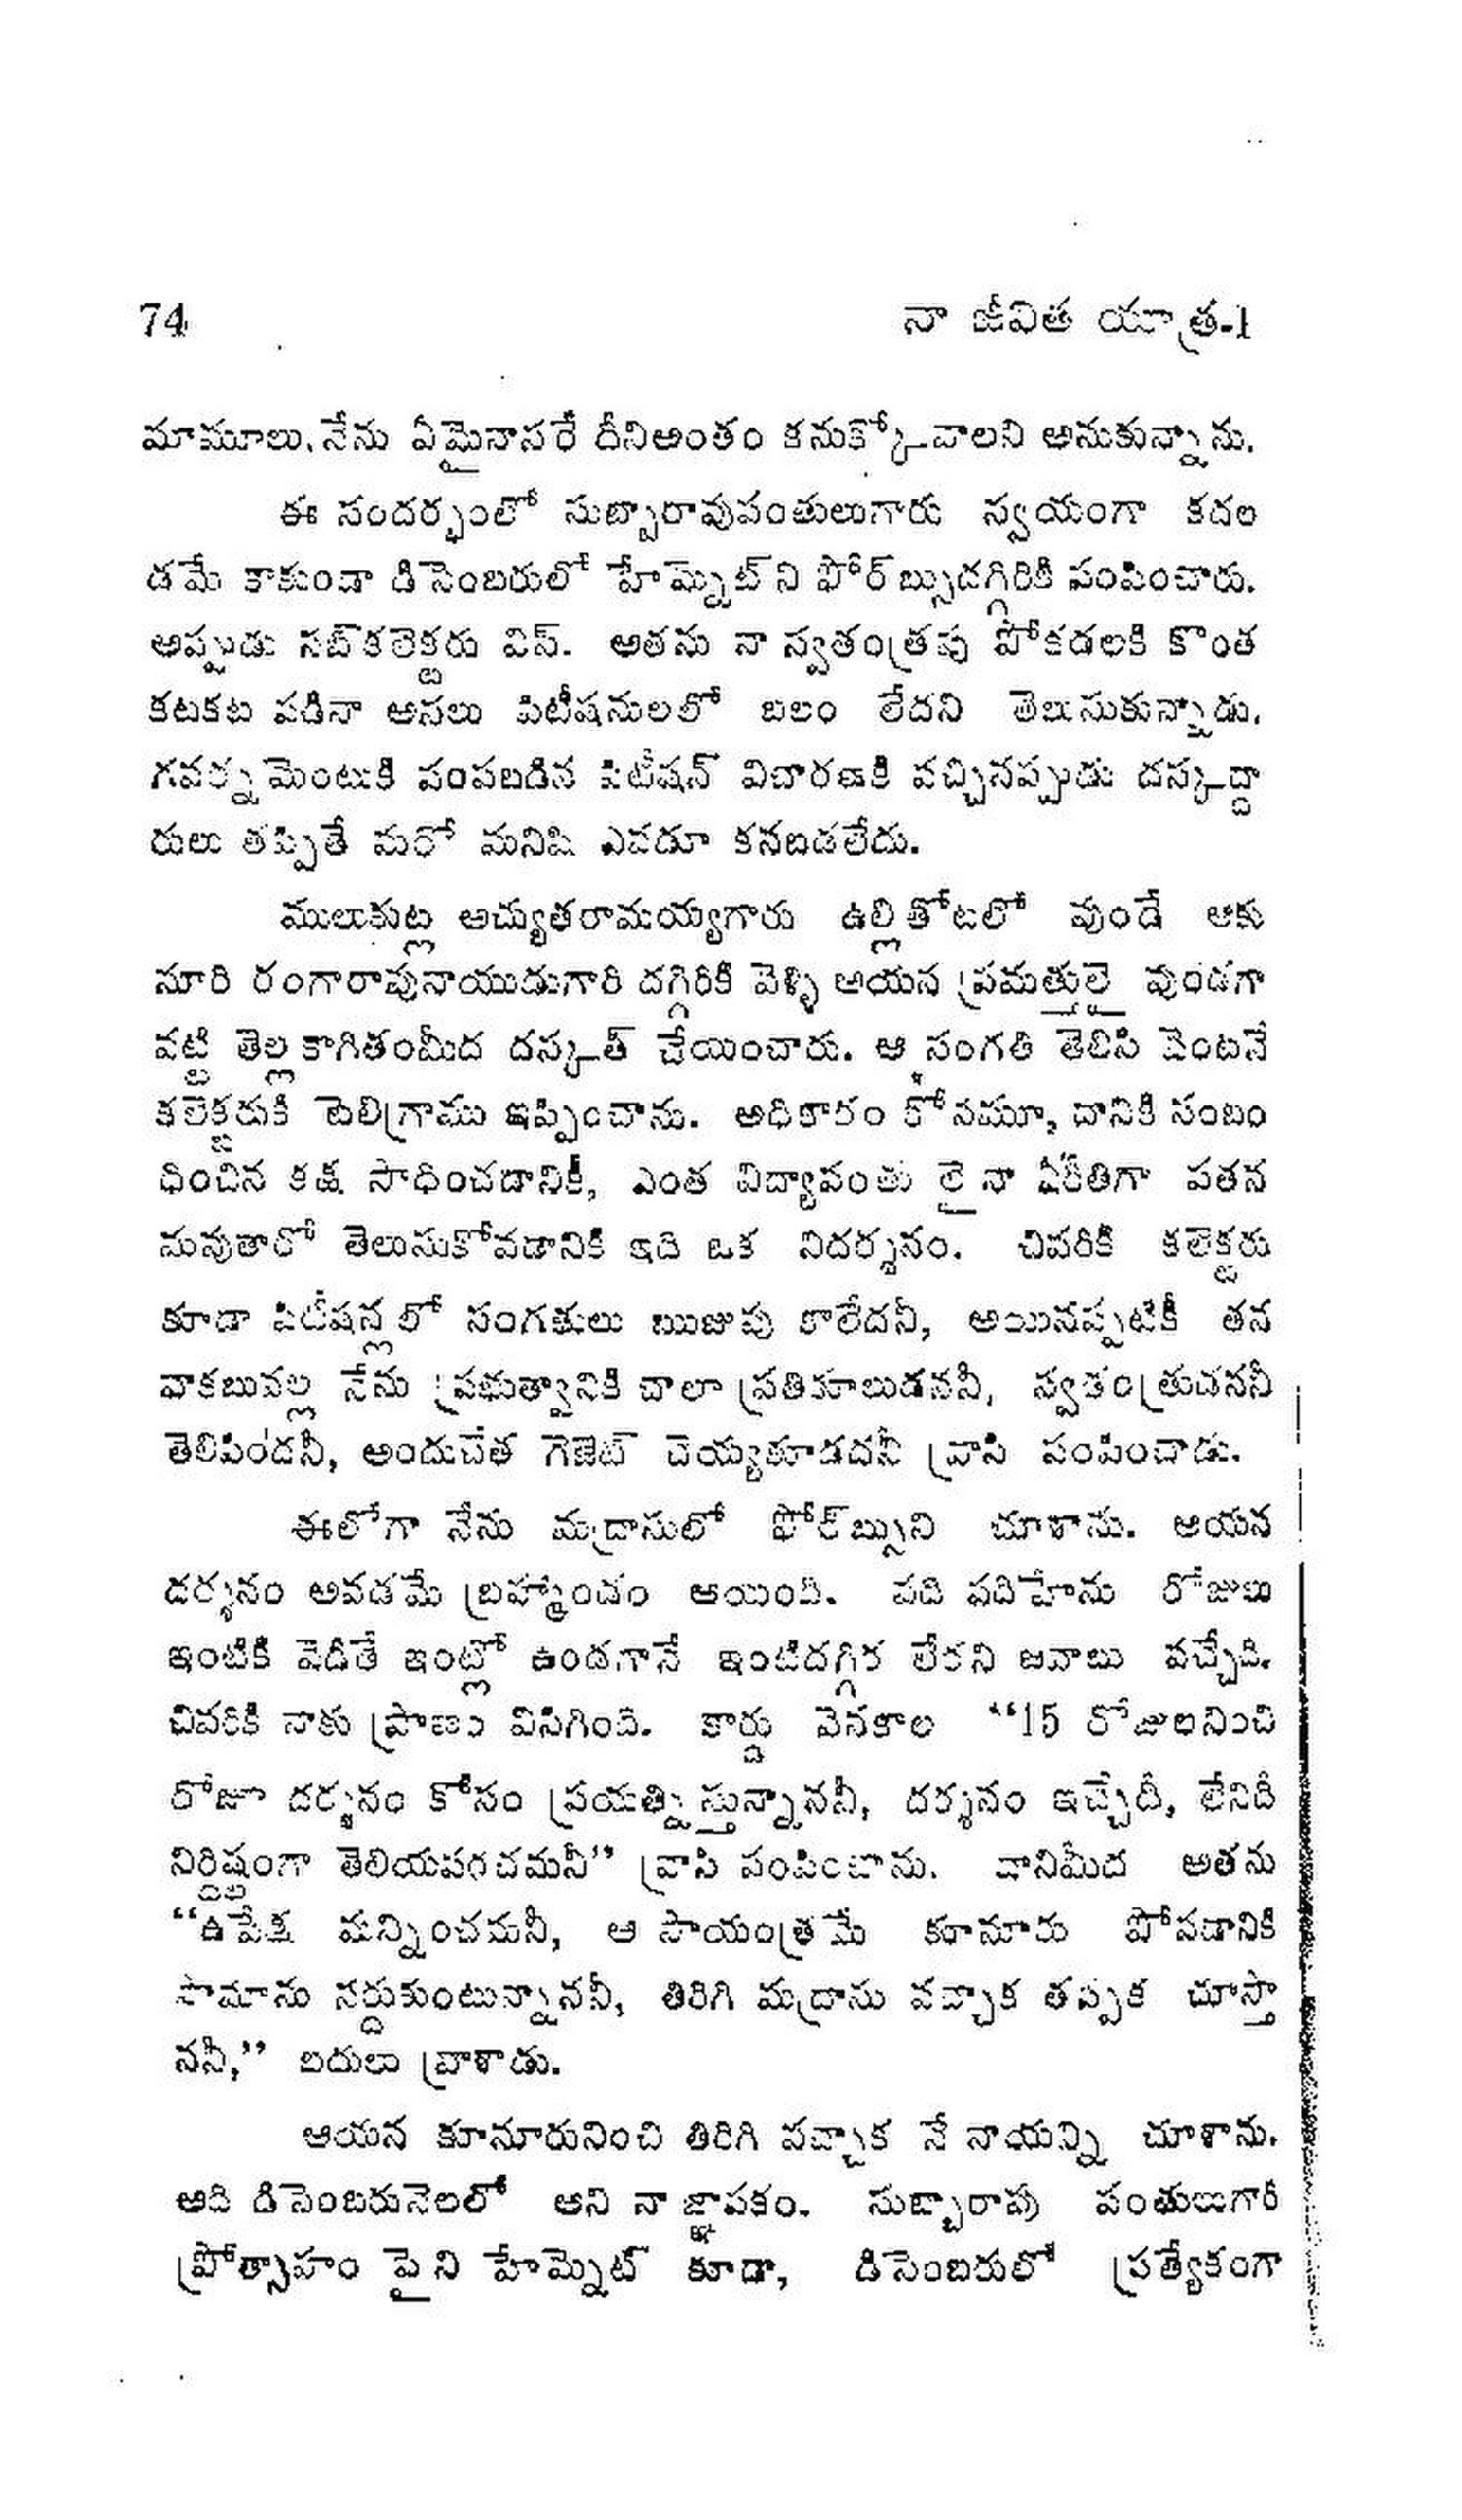మామూలు. నేను ఏమైనాసరే దీని అంతం కనుక్కోవాలని అనుకున్నాను.

ఈ సందర్భంలో సుబ్బారావు పంతులుగారు స్వయంగా కదలడమే కాకుండా డిసెంబరులో హేమ్నెట్‌ని పోర్‌బ్సుదగ్గిరికి పంపించారు. అప్పుడు సబ్‌కలెక్టరు విస్, అతను నా స్వతంత్రపు పోకడలకి కొంత కటకట పడినా అసలు పిటీషనులలో బలం లేదని తెలుసుకున్నాడు. గవర్నమెంటుకి పంపబడిన పిటీషన్ విచారణకి వచ్చిన ప్పుడు దస్కద్దారులు తప్పితే మరో మనిషి ఎవడూ కనబడలేదు.

ములుకుట్ల అచ్యుతరామయ్యగారు ఉల్లితోటలో వుండే అకుసూరి రంగారావు నాయుడుగారి దగ్గిరికి వెళ్ళి ఆయన ప్రమత్తులై వుండగా వట్టి తెల్లకాగితంమీద దస్కత్ చేయించారు. ఆ సంగతి తెలిసి వెంటనే కలెక్టరుకి టెలిగ్రాము ఇప్పించాను. అధికారం కోసమూ, దానికి సంబంధించిన కక్ష సాధించడానికీ, ఎంత విద్యావంతు లైనా ఏరీతిగా పతనమవుతారో తెలుసుకోవడానికి ఇది ఒక నిదర్శనం. చివరికి కలెక్టరు కూడా పిటీషన్లలో సంగతులు ఋజువు కాలేదనీ, అయినప్పటికీ తన వాకబువల్ల నేను ప్రభుత్వానికి చాలా ప్రతికూలుడననీ, స్వతంత్రుడననీ తెలిసిందనీ, అందుచేత గెజెట్ చెయ్యకూడదనీ వ్రాసి పంపించాడు.

ఈలోగా నేను మద్రాసులో పోర్‌బ్సుని చూశాను. ఆయన దర్శనం అవడమే బ్రహ్మాండం అయింది. పది పదిహేను రోజులు ఇంటికి వెడితే ఇంట్లో ఉండగానే ఇంటిదగ్గిర లేరని జవాబు వచ్చేది. చివరికి నాకు ప్రాణం విసిగింది. కార్డు వెనకాల "15 రోజులనించి రోజూ దర్శనం కోసం ప్రయత్నిస్తున్నాననీ, దర్శనం ఇచ్చేదీ, లేనిదీ నిర్దిష్టంగా తెలియపరచమనీ" వ్రాసి పంపించాను. దానిమీద అతను "ఉపేక్ష మన్నించమనీ, ఆ సాయంత్రమే కూనూరు పోవడానికి సామాను సర్దుకుంటున్నాననీ, తిరిగి మద్రాసు వచ్చాక తప్పక చూస్తాననీ," బదులు వ్రాశాడు.

ఆయన కూనూరునించి తిరిగి వచ్చాక నే నాయన్ని చూశాను. అది డిసెంబరునెలలో అని నా జ్ఞాపకం. సుబ్బారావు పంతులుగారి ప్రోత్సాహం పైని హేమ్నెట్ కూడా, డిసెంబరులో ప్రత్యేకంగా